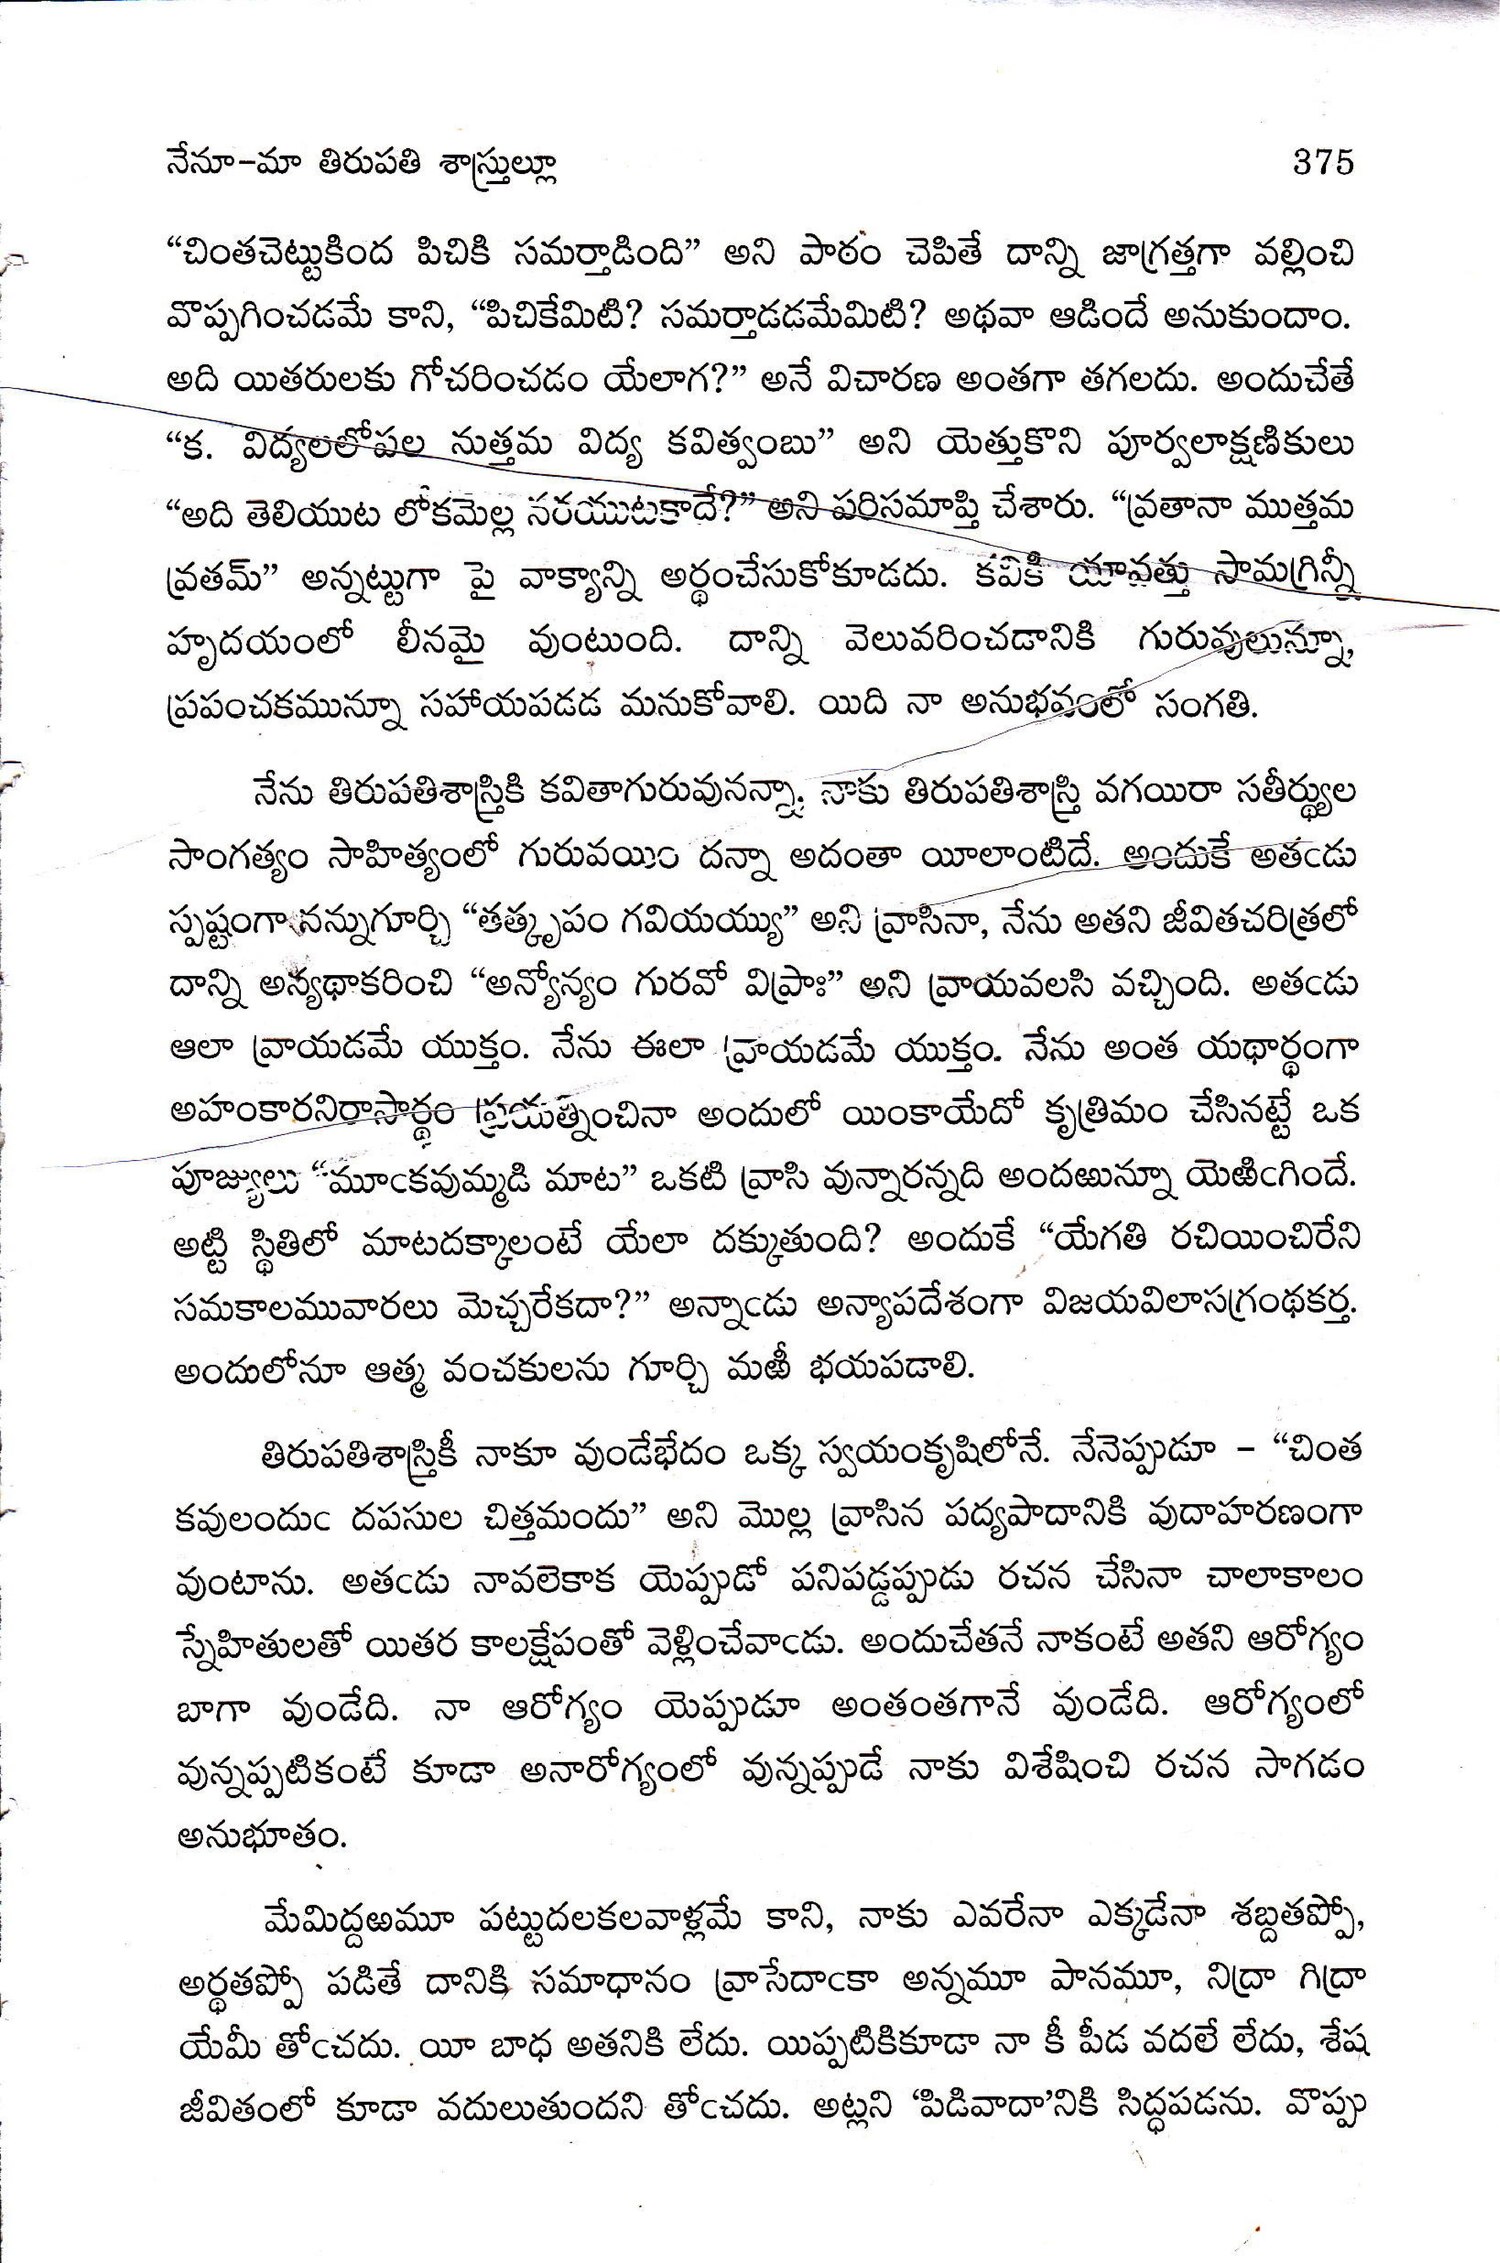“చింతచెట్టుకింద పిచికి సమర్తాడింది" అని పాఠం చెపితే దాన్ని జాగ్రత్తగా వల్లించి వొప్పగించడమే కాని, "పిచికేమిటి? సమర్తాడడమేమిటి? అథవా ఆడిందే అనుకుందాం. అది యితరులకు గోచరించడం యేలాగ?” అనే విచారణ అంతగా తగలదు. అందుచేతే “క. విద్యలలోపల నుత్తమ విద్య కవిత్వంబు" అని యెత్తుకొని పూర్వలాక్షణికులు "అది తెలియుట లోకమెల్ల నరయుటకాదే?” అని పరిసమాప్తి చేశారు. “వ్రతానా ముత్తమ వ్రతమ్" అన్నట్టుగా పై వాక్యాన్ని అర్థంచేసుకోకూడదు. కవికి యావత్తు-సామగ్రిన్నీ హృదయంలో లీనమై వుంటుంది. దాన్ని వెలువరించడానికి గురువులున్నూ, ప్రపంచకమున్నూ సహాయపడడ మనుకోవాలి. యిది నా అనుభవంలో సంగతి.

నేను తిరుపతిశాస్త్రికి కవితాగురువనన్నా నాకు తిరుపతిశాస్త్రీ వగయిరా సతీర్థ్యుల సాంగత్యం సాహిత్యంలో గురువయిం దన్నా అదంతా యీలాంటిదే._అందుకే అతఁడు స్పష్టంగా నన్నుగూర్చి "తత్కృపం గవియయ్యు" అని వ్రాసినా, నేను అతని జీవితచరిత్రలో దాన్ని అన్యథాకరించి "అన్యోన్యం గురవో విప్రాః” అని వ్రాయవలసి వచ్చింది. అతఁడు ఆలా వ్రాయడమే యుక్తం. నేను ఈలా వ్రాయడమే యుక్తం. నేను అంత యథార్థంగా అహంకారనిరాసార్థం ప్రయత్నించినా అందులో యింకాయేదో కృత్రిమం చేసినట్టే ఒక పూజ్యులు “మూఁకవుమ్మడి మాట" ఒకటి వ్రాసి వున్నారన్నది అందఱున్నూయెఱిఁగిందే. అట్టి స్థితిలో మాటదక్కాలంటే యేలా దక్కుతుంది? అందుకే “యేగతి రచియించిరేని సమకాలమువారలు మెచ్చరేకదా?" అన్నాఁడు అన్యాపదేశంగా విజయవిలాసగ్రంథకర్త. అందులోనూ ఆత్మ వంచకులను గూర్చి మఱీ భయపడాలి.

తిరుపతిశాస్త్రికీ నాకూ వుండేభేదం ఒక్క స్వయంకృషిలోనే. నేనెప్పుడూ - "చింత కవులందుఁ దపసుల చిత్తమందు" అని మొల్ల వ్రాసిన పద్యపాదానికి వుదాహరణంగా వుంటాను. అతడు నావలెకాక యెప్పుడో పనిపడ్డప్పుడు రచన చేసినా చాలాకాలం స్నేహితులతో యితర కాలక్షేపంతో వెళ్లించేవాఁడు. అందుచేతనే నాకంటే అతని ఆరోగ్యం బాగా వుండేది. నా ఆరోగ్యం యెప్పుడూ అంతంతగానే వుండేది. ఆరోగ్యంలో వున్నప్పటికంటే కూడా అనారోగ్యంలో వున్నప్పడే నాకు విశేషించి రచన సాగడం అనుభూతం.

మేమిద్దఱమూ పట్టుదలకలవాళ్లమే కాని, నాకు ఎవరేనా ఎక్కడేనా శబ్దతప్పో, అర్థతప్పో పడితే దానికి సమాధానం వ్రాసేదాఁకా అన్నమూ పానమూ, నిద్రా గిద్రా యేమీ తోcచదు. యీ బాధ అతనికి లేదు. యిప్పటికికూడా నా కీ పీడ వదలే లేదు, శేష జీవితంలో కూడా వదులుతుందని తోఁచదు. అట్లని 'పిడివాదా'నికి సిద్ధపడను. వొప్పు
\